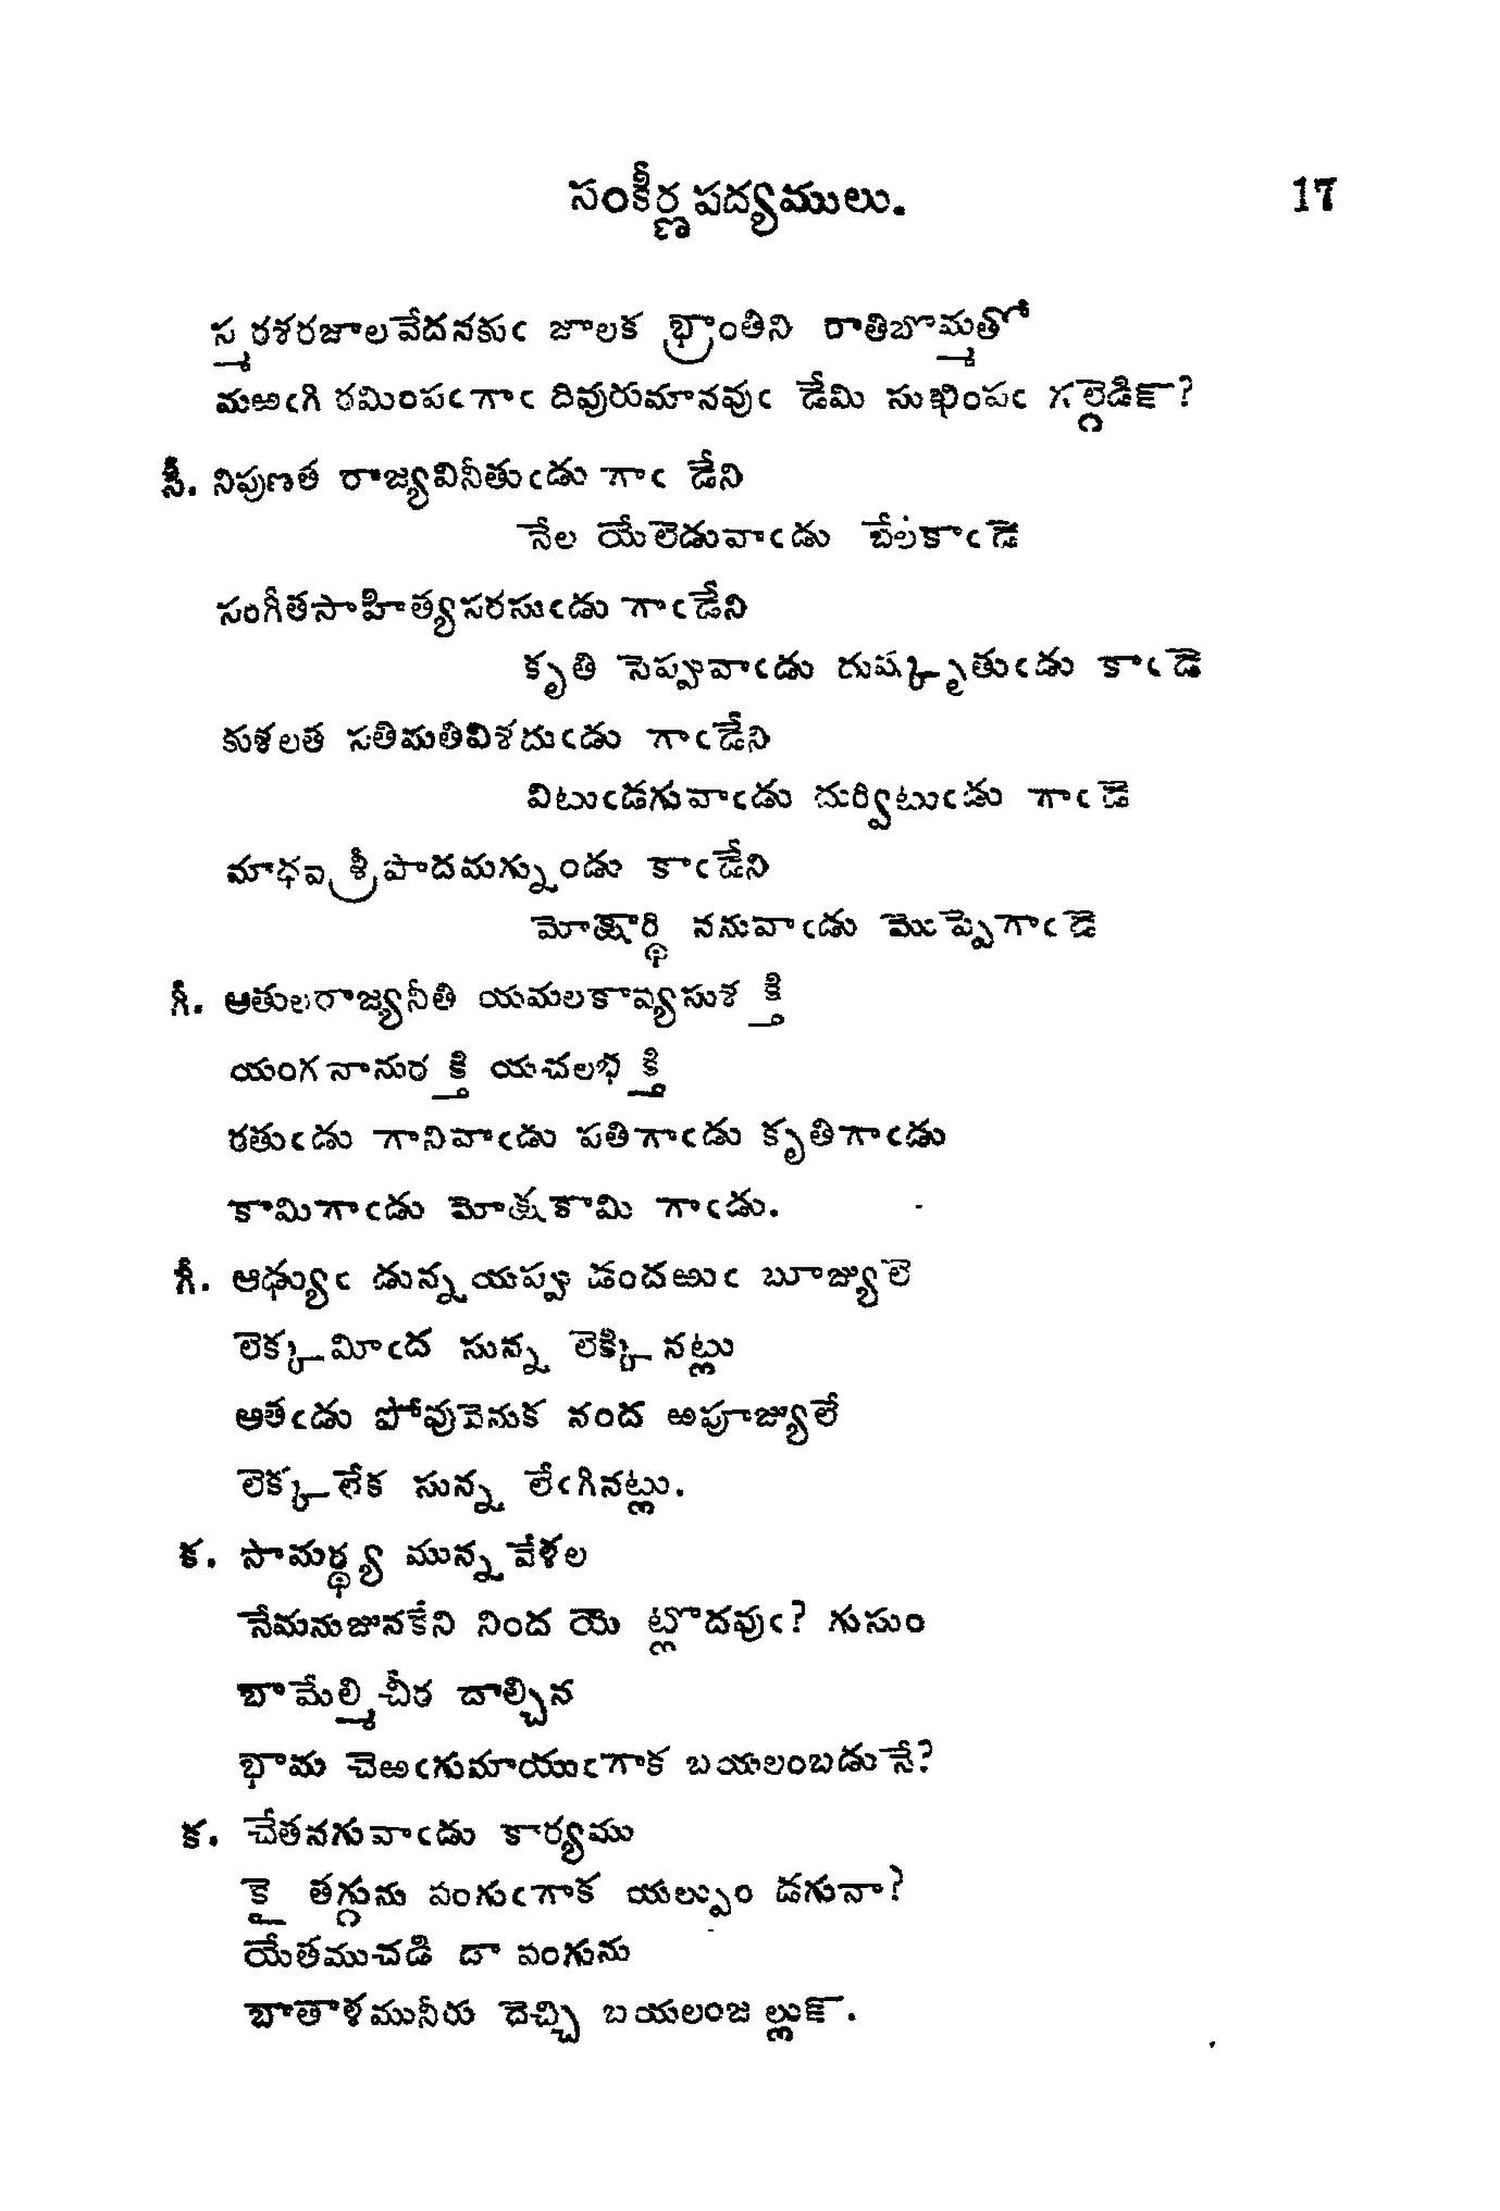స్మరశరజాలవేదనకుఁ జాలక భ్రాంతిని రాతిబొమ్మతో
 మఱఁగి రమింపఁగాఁ దివురుమానవుఁ డేమి సుఖింపఁగల్గెడిన్?
సీ. నిపుణత రాజ్యవినీతుఁడు గాఁడేని
 నేల యేలెడువాఁడు బేలకాఁడె
 సంగీతసాహిత్యసరసుఁడు గాఁడేని
 కృతి సెప్పువాఁడు దుష్కృతుఁడు కాఁడె
 కుశలత నతిమతివిశదుఁడు గాఁడేని
 విటుఁడగువాఁడు దుర్విటుఁడు గాఁడె
 మాధవశ్రీపాదమగ్నుండు కాఁడేని
 మోక్షార్థి ననువాఁడు మొప్పెగాఁడె
గీ. అతులరాజ్యనీతి యమలకావ్యసుశక్తి
 యంగనానురక్తి యచలభక్తి
 రతుఁడు గానివాఁడు పతిగాఁడు కృతిగాఁడు
 కామిఁగాడు మోక్షకామి గాఁడు.
గీ. ఆఢ్యుఁ డున్నయప్పు డందఱుఁ బూజ్యులె
 లెక్కమీఁద సున్న లెక్కినట్లు
 అతఁడు పోవువెనుక నంద ఱపూజ్యులే
 లెక్కలేక సున్న లేఁగినట్లు.
క. సామర్థ్య మున్నవేళల
 నేమనుజునకేని నింద యె ట్లొదవుఁ? గుసుం
 బామేల్మిచీర దాల్చిన
 భామ చెఱఁగుమాయుఁగాక బయలంబడునే?
క. చేతనగువాఁడు కార్యము
 కై తగ్గును వంగుఁగక యల్పుం డగునా?
 యేతముచడి దా వంగును
 బాతాళమునీరు దెచ్చి బయలం జల్లున్.